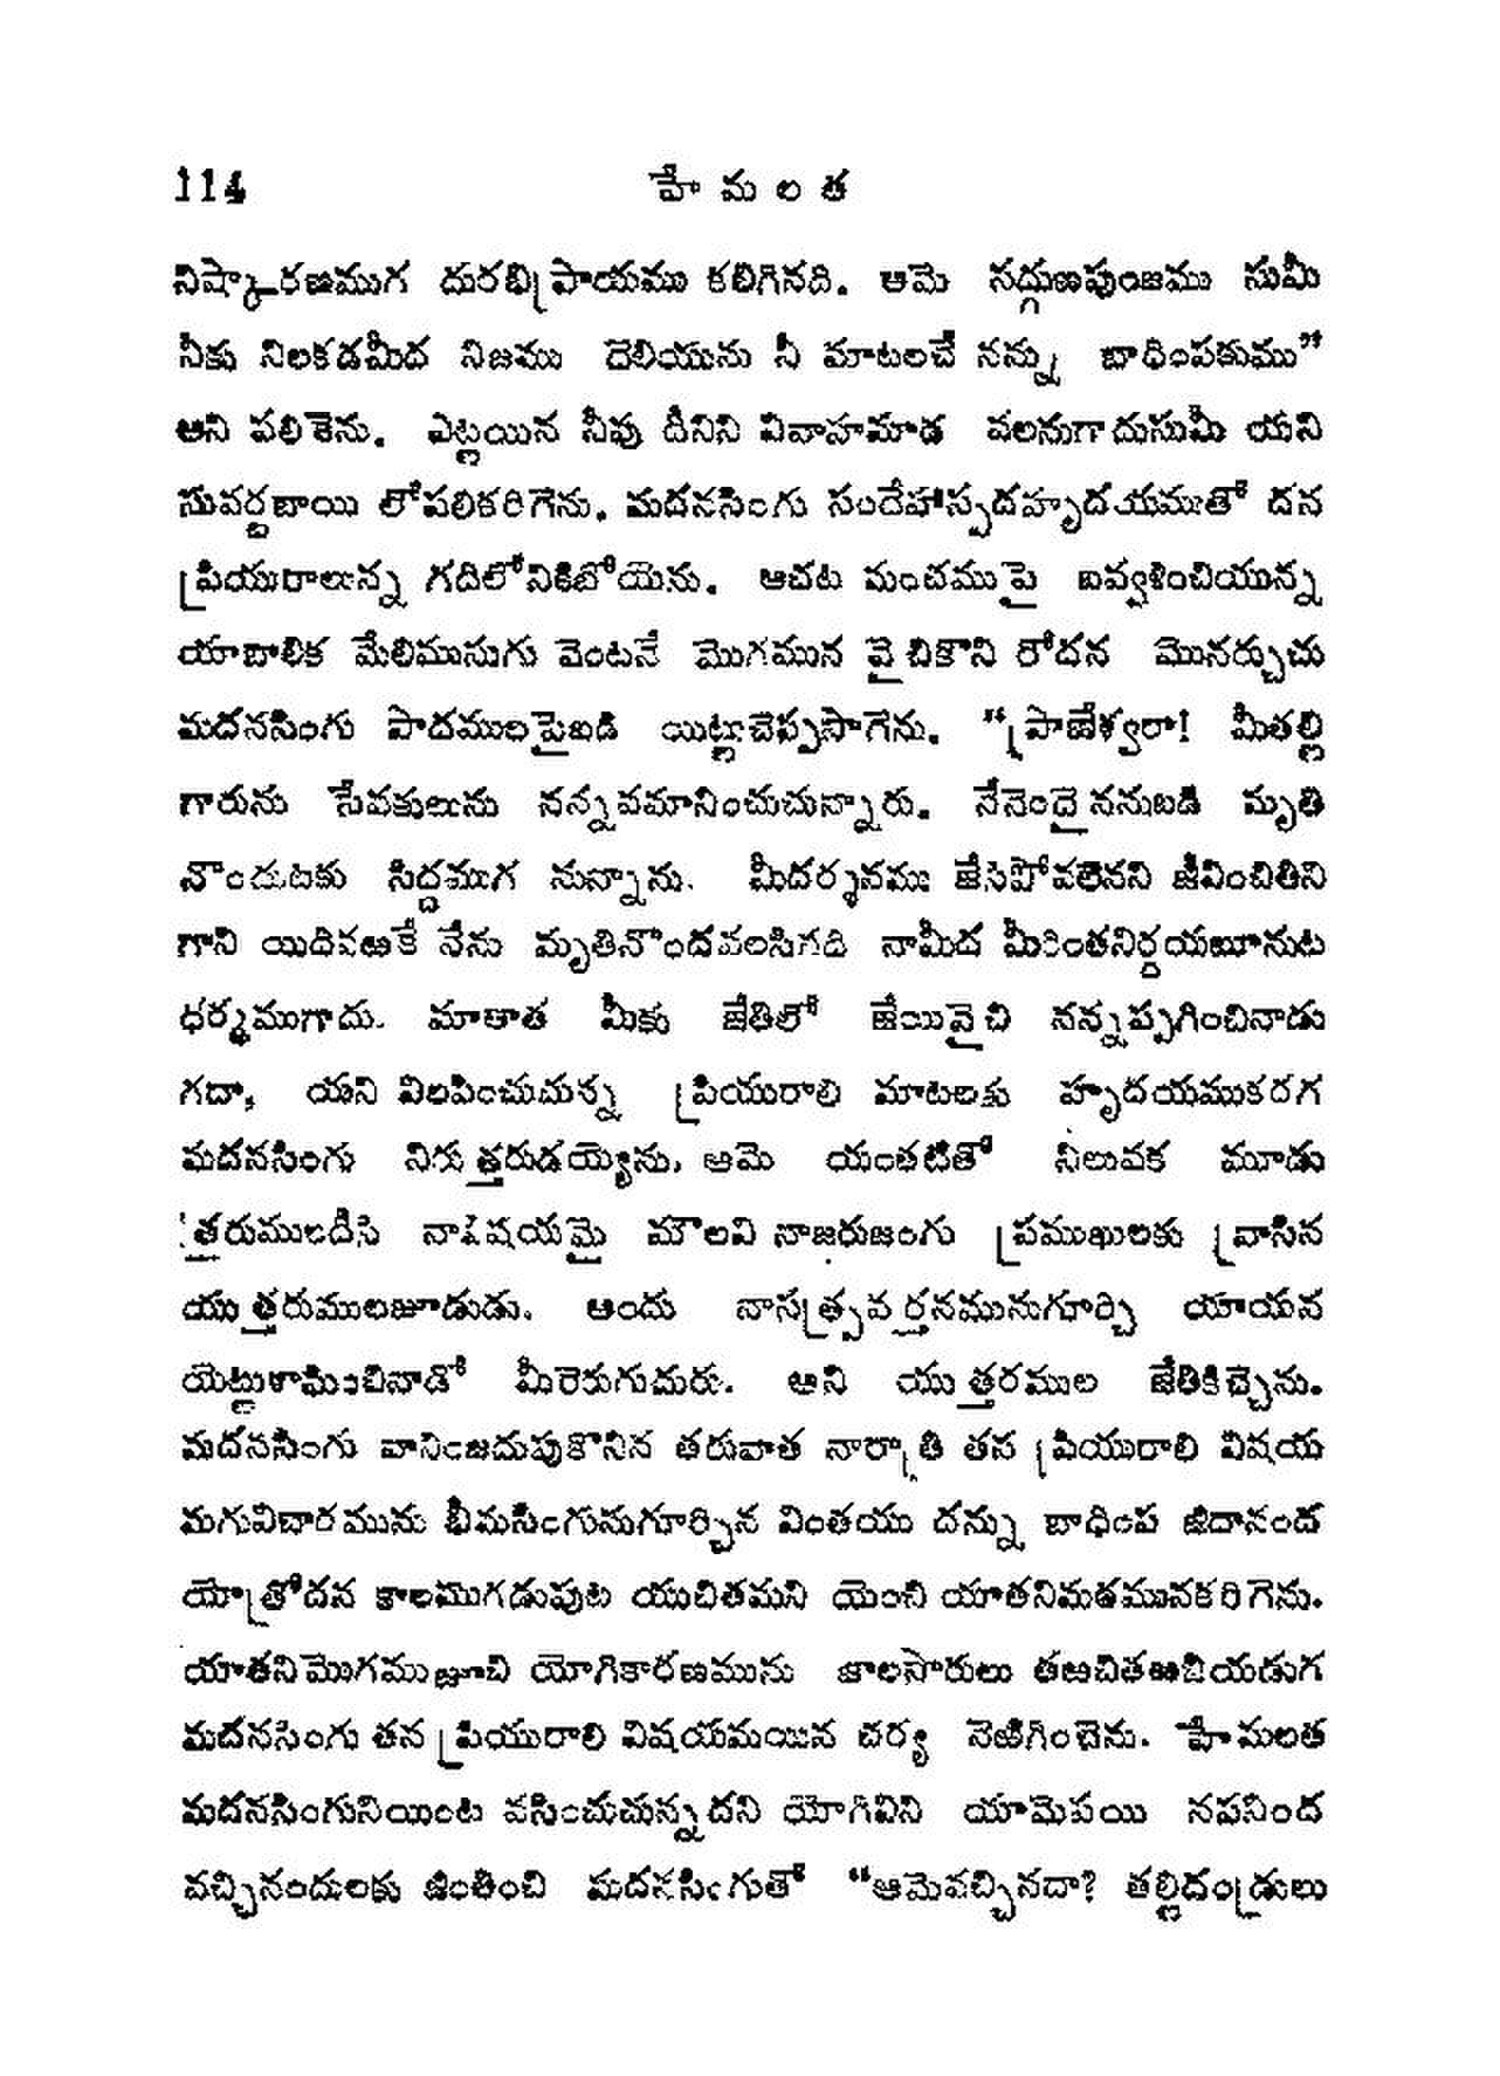నిష్కారణముగ దురభిప్రాయము కలిగినది. ఆమె సద్గుణపుంజము సుమీ. నీకు నిలకడమీద నిజము దెలియును నీ మాటలచే నన్ను బాధింపకుము” అని పలికెను. ఎట్లయిన నీవు దీనిని వివాహమాడ వలనుగాదుసుమీ యని సువర్ణాబాయి లోపలి కరిగెను. మదనసింగు సందేహాస్పదహృదయముతో దన ప్రియురాలున్న గదిలోనికిబోయెను. అచట మంచపుపై బవ్వళించియున్న యాబాలిక మేలిముసుగు వెంటనే మొగమున వైచికొని రోదన మొనర్చుచు మదనసింగు పాదములపైబడి యిట్లు చెప్పసాగెను. “ప్రాణేశ్వరా! మీతల్లి గారును సేవకులును నన్నవమానించుచున్నారు. నేనెందైన బడి మృతినొందుటకు సిద్ధముగ నున్నాను. మీదర్శనము జేసిపోవలెనని జీవించితినిగాని యిదివఱకే నేనుమృతినొందవలసినది. నామీద మీరింత నిర్దయబూనుట ధర్మముగాదు. మాతాత మీకు జేతిలో జేయివైచి నన్నప్పగించినాడు గదా, యని విలపించుచున్న ప్రియురాలి మాటలకు హృదయముకరగ మదనసింగు నిరుత్తరుడయ్యెను. ఆమె యంతటితో నిలువక మూడుత్తరములదీసి నా విషయమై మౌలవి నాజరుజంగు ప్రముఖులకు వ్రాసిన యుత్తరములుజూడుడు. అందు నాసత్ప్రవర్తనముగూర్చి యాయన యెట్లుశాఘించినాడో మీరెరుగుదురు. అని యుత్తరముల జేతికిచ్చెను. మదనసింగు వానింజదువుకొనిన తరువాత నారాత్రి తన ప్రియురాలి విషయమగు విచారమును భీమసింగునుగూర్చిన వింతయు దన్ను బాధింప జిదానంద యోత్రోదన కాలము గడుపుట యుచితమని యెంచి యాతనిమఠమున కరిగెను. యాతనిమొగముజూచి యోగికారణమును జాలసారులు తఱచితఱచియడుగ మదనసింగు తన ప్రియురాలి విషయమున చర్య నెఱిగించెను. హేమలత మదనసింగునియింట వసించుచున్నదని యోగివిని యామెపయి నపనింద వచ్చినందులకు జింతించి మదనసింగుతో “ఆమెవచ్చినదా? తల్లిదండ్రులు